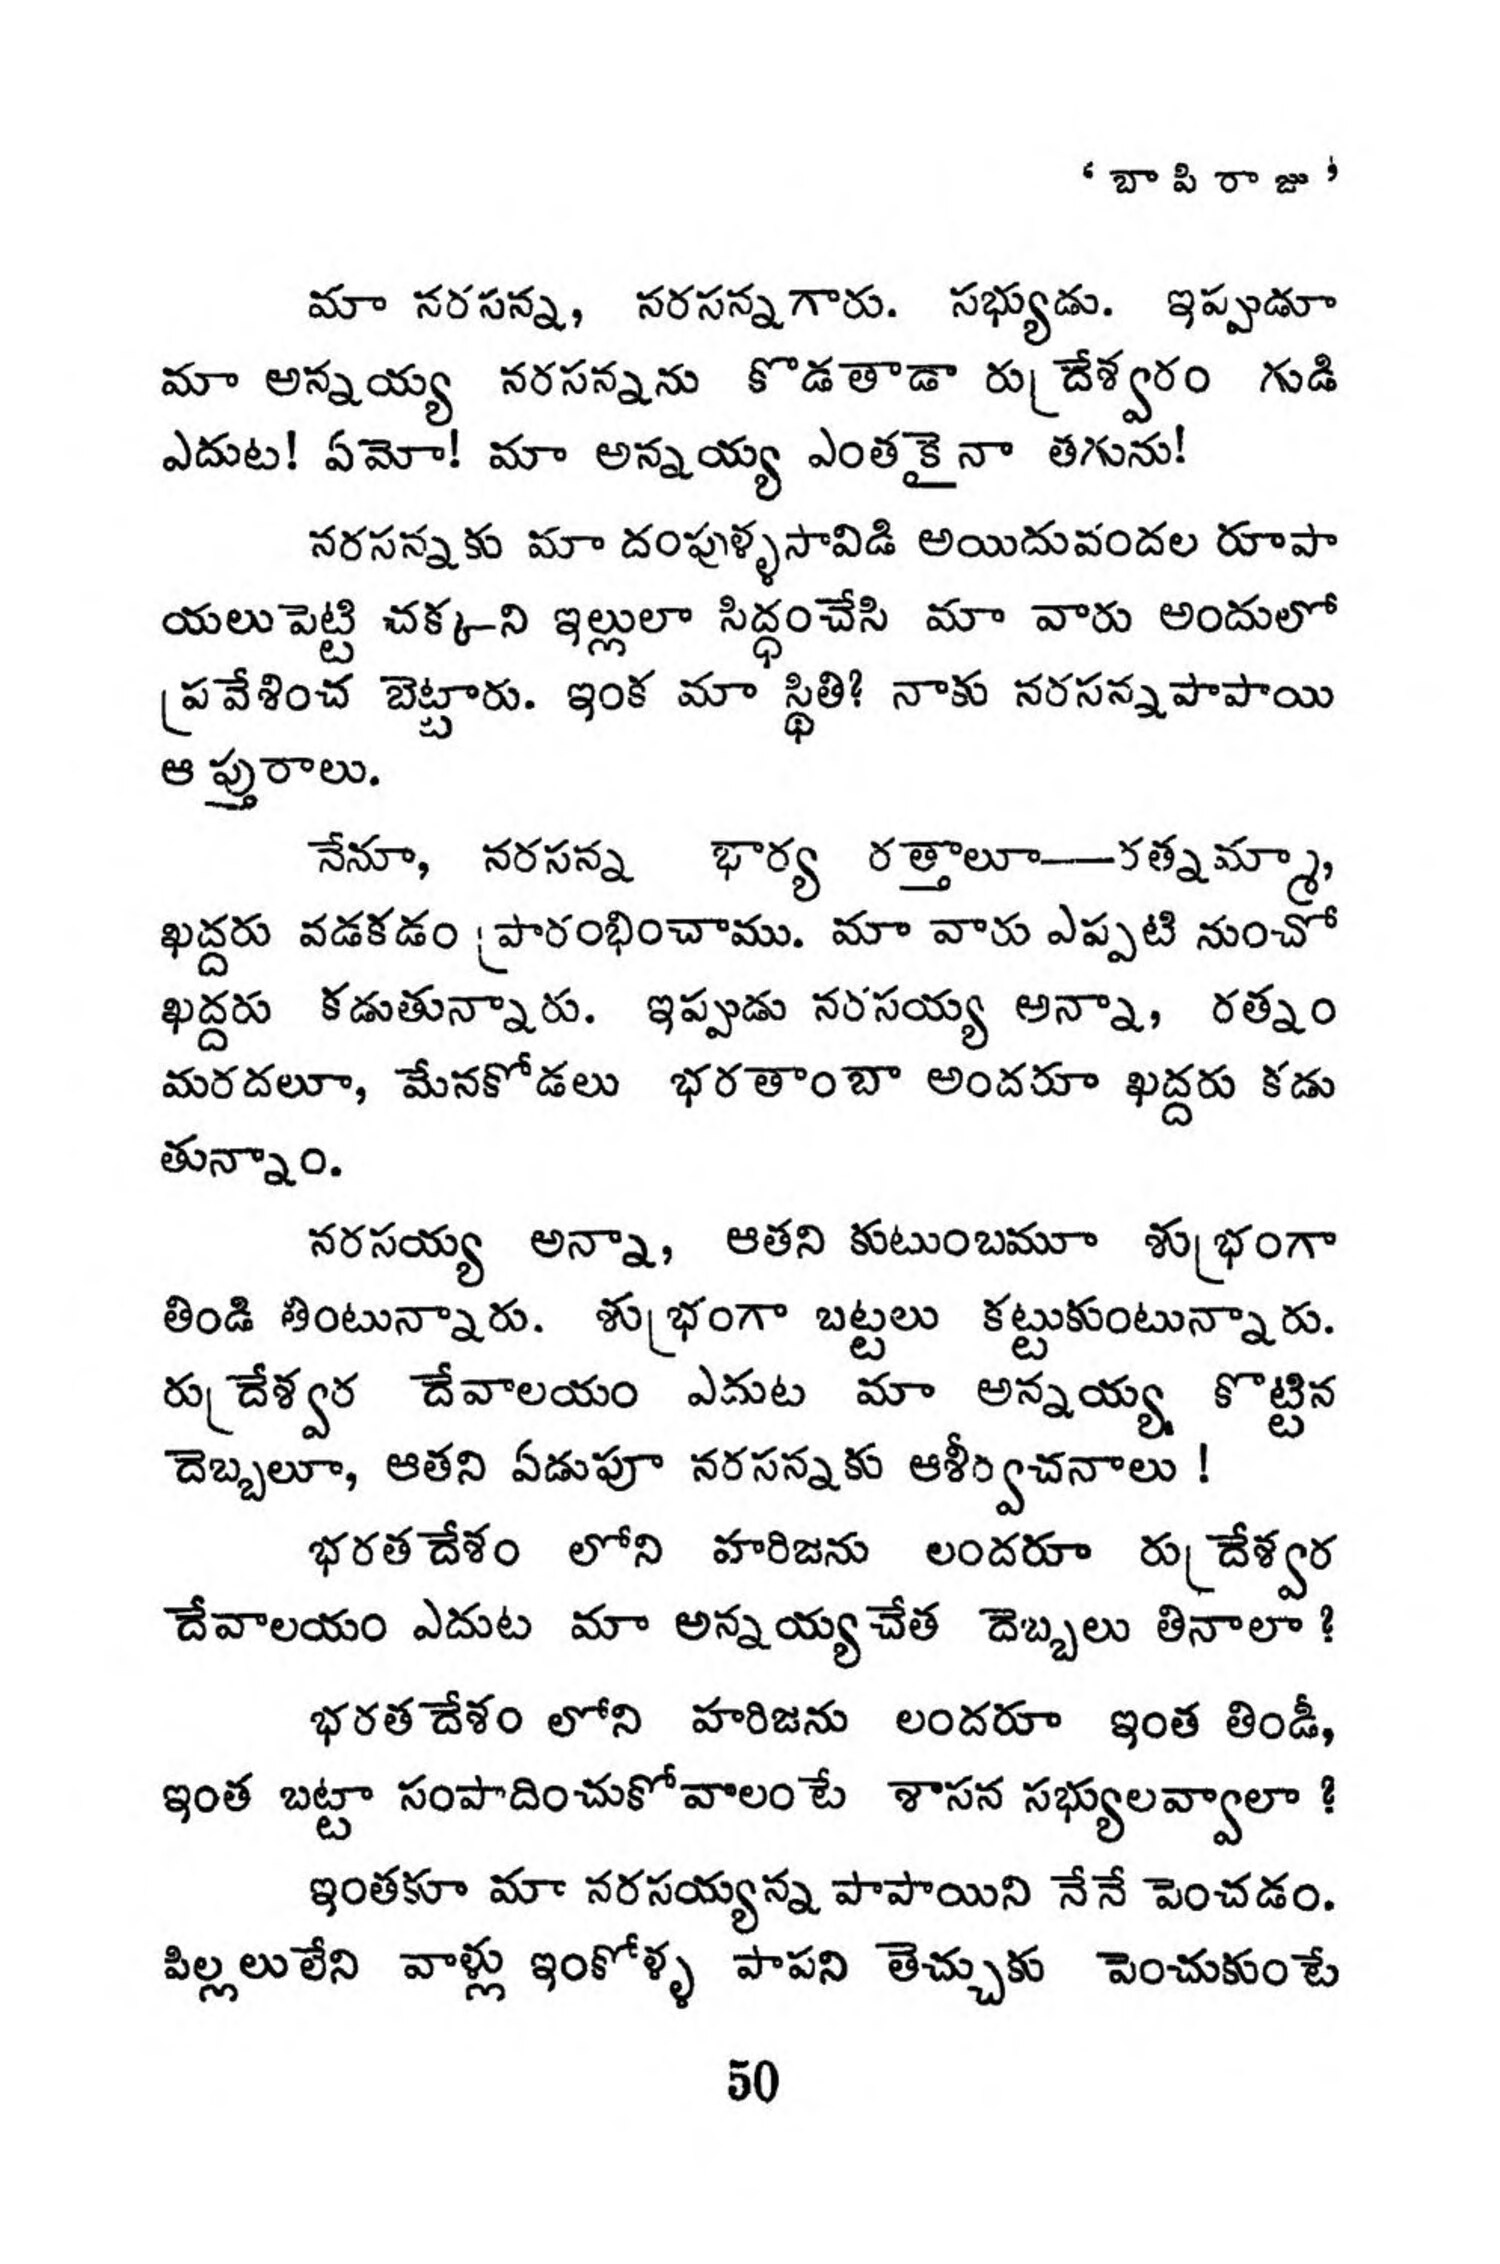మా నరసన్న, నరసన్నగారు. సభ్యుడు. ఇప్పుడూ మా అన్నయ్య నరసన్నను కొడతాడా రుద్రేశ్వరం గుడి ఎదుట ! ఏమో ! మా అన్నయ్య ఎంతకైనా తగును !

నరసన్నకు మా దంపుళ్ళసావిడి అయిదువందల రూపాయలుపెట్టి చక్కని ఇల్లులా సిద్ధంచేసి మా వారు అందులో ప్రవేశించ బెట్టారు. ఇంక మా స్థితి? నాకు నరసన్నపాపాయి ఆప్తురాలు.

నేనూ, నరసన్న భార్య రత్తాలూ - రత్నమ్మా, ఖద్దరు వడకడం ప్రారంభించాము. మా వారు ఎప్పటి నుంచో ఖద్దరు కడుతున్నారు. ఇప్పుడు నరసయ్య అన్నా, రత్నం మరదలూ, మేనకోడలు భరతాంబా అందరూ ఖద్దరు కడుతున్నాం.

నరసయ్య అన్నా, అతని కుటుంబమూ శుభ్రంగా తిండి తింటున్నారు. శుభ్రంగా బట్టలు కట్టుకుంటున్నారు. రుద్రేశ్వర దేవాలయం ఎదుట మా అన్నయ్య కొట్టిన దెబ్బలూ, ఆతని ఏడుపూ నరసన్నకు ఆశీర్వచనాలు !

భరతదేశం లోని హరిజను లందరూ రుద్రేశ్వర దేవాలయం ఎదుట మా అన్నయ్యచేత దెబ్బలు తినాలా?

భరతదేశం లోని హరిజను లందరూ ఇంత తిండీ, ఇంత బట్టా సంపాదించుకోవాలంటే శాసన సభ్యులవ్వాలా ?

ఇంతకూ మా నరసయ్యన్న పాపాయిని నేనే పెంచడం. పిల్లలులేని వాళ్లు ఇంకోళ్ళ పాపని తెచ్చుకు పెంచుకుంటే